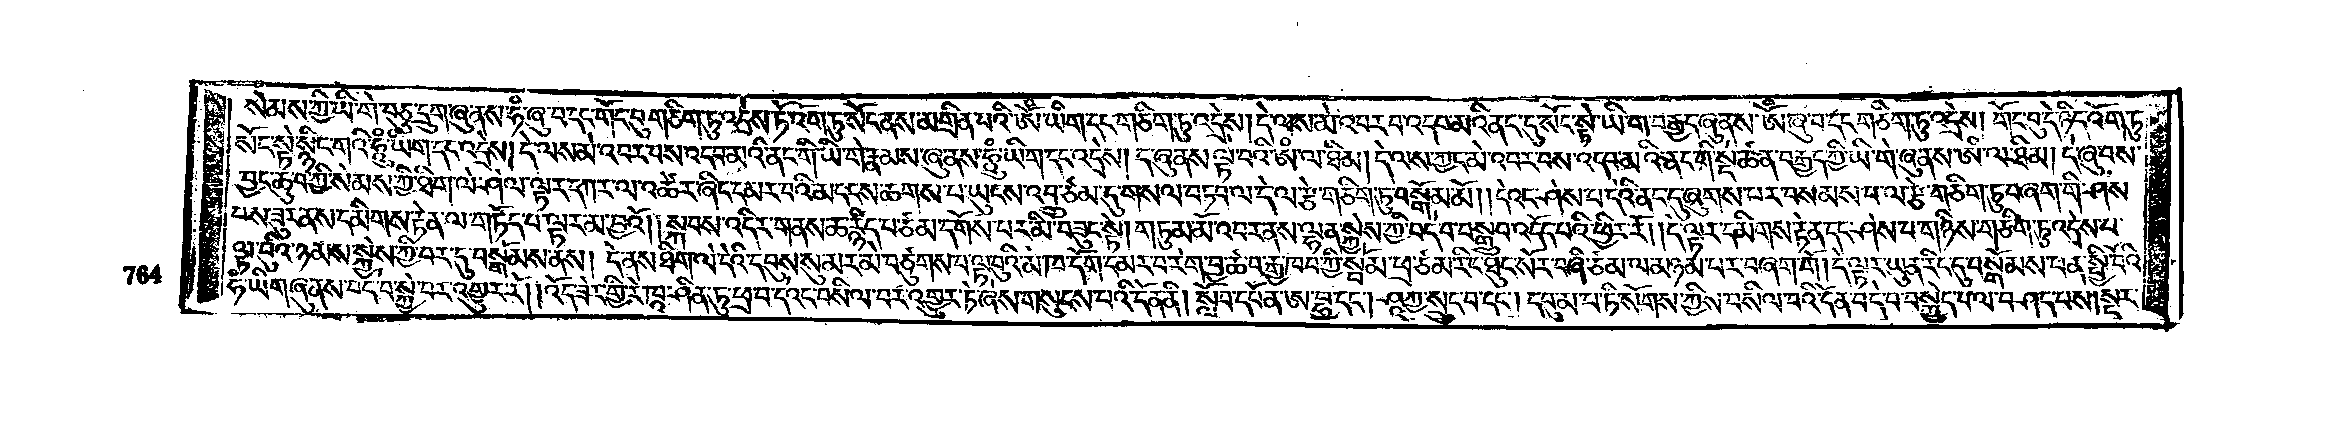སེམས་ཀྱི་ཡི་གེ་བཅུ་དྲུག་ཞུ་ནས་ཧཾ་ཞུ་བ་དང་གོང་བུ་གཅིག་ཏུ་འདྲེས་ཏེ་འོག་ཏུ་སོང་ནས་མགྲིན་པའི་ཨོཾ་ཡིག་དང་གཅིག་ཏུ་འདྲེས། དེ་ལས་མེ་འབར་བ་འདབ་མའི་ནང་དུ་སོང་སྟེ་ཡི་གེ་བརྒྱད་ཞུ་ནས་ཨོཾ་ཞུ་བ་དང་གཅིག་ཏུ་འདྲེས། གོང་བུ་དེ་ཉིད་འོག་ཏུ་
སོང་སྟེ་སྙིང་གའི་ཧཱུཾ་ཡིག་དང་འདྲེས། དེ་ལས་མེ་འབར་བས་འདབ་མའི་ནང་གི་ཡི་གེ་རྣམས་ཞུ་ནས་ཧཱུཾ་ཡིག་དང་འདྲེས། དེ་ཞུ་ནས་ལྟེ་བའི་ཨཾ་ལ་ཐིམ། དེ་ལས་ཀྱང་མེ་འབར་བས་འདབ་མའི་ནང་གི་སྡེ་ཚན་བརྒྱད་ཀྱི་ཡི་གེ་ཞུ་ནས་ཨཾ་ལ་ཐིམ། དེ་ཞུ་བས་
བྱང་ཆུབ་ཀྱི་སེམས་ཀྱི་ཐིག་ལེ་ཤེལ་ལྟར་དཀར་ལ་འཚར་ཞིང་དམར་བའི་མདངས་ཆགས་པ་ཡུངས་འབྲུ་ཙམ་དུ་གསལ་བཏབ་ལ་དེ་ལ་རྩེ་གཅིག་ཏུ་བསྒོམ་མོ། །དེའང་ཤེས་པ་དེའི་ནང་དུ་ཞུགས་པར་བསམས་པ་ལ་རྩེ་གཅིག་ཏུ་བཞག་གི་ཤེས་
པས་ཟུར་ནས་དམིགས་རྟེན་ལ་གཏོད་པ་ལྟར་མི་བྱའོ། །སྐབས་འདིར་གནས་ཆ་རྙེད་པ་ཙམ་དགོས་པར་མི་བཟུང་སྟེ། གཏུམ་མོ་འབར་ནས་ལྷན་སྐྱེས་ཀྱི་བདེ་བ་བསྒྲུབ་འདོད་པའི་ཕྱིར་རོ། །དེ་ལྟར་དམིགས་རྟེན་དང་ཤེས་པ་གཉིས་གཅིག་ཏུ་འདྲེས་པ་
ལྟ་བུའི་ཉམས་སྐྱེས་ཀྱི་བར་དུ་བསྒོམས་ནས། དེ་ནས་ཐིག་ལེ་དེའི་དབུས་སུ་མར་མེ་བཙུགས་པ་ལྟ་བུའི་མེ་ཁ་དོག་དམར་བ་རེག་བྱ་ཚ་བ་རྒྱ་ཁབ་ཀྱི་སྦོམ་ཕྲ་ཙམ་རིང་ཐུང་སོར་བཞི་ཙམ་ལ་མཉམ་པར་བཞག་གོ །དེ་ལྟར་ཡུན་རིང་དུ་བསྒོམས་པ་ན་སྤྱི་བོའི་
ཧཾ་ཡིག་ཞུ་ནས་བདེ་བ་སྐྱེ་བར་འགྱུར་རོ། །འོད་ཟེར་གྱི་རེ་ཁཱ་ཤིན་ཏུ་ཕྲ་བ་དེའང་བསིལ་བར་འགྱུར་ཏེ་ཞེས་གསུངས་པའི་དོན་ནི། སློབ་དཔོན་ཨ་བྷྱ་དང་། ཤཱཀྱ་སྲུང་བ་དང་། དབུ་མ་པ་ཏི་སོགས་ཀྱིས་བསིལ་བའི་དོན་བདེ་བ་བསྐྱེད་པ་ལ་བཤད་པས། སྔར་